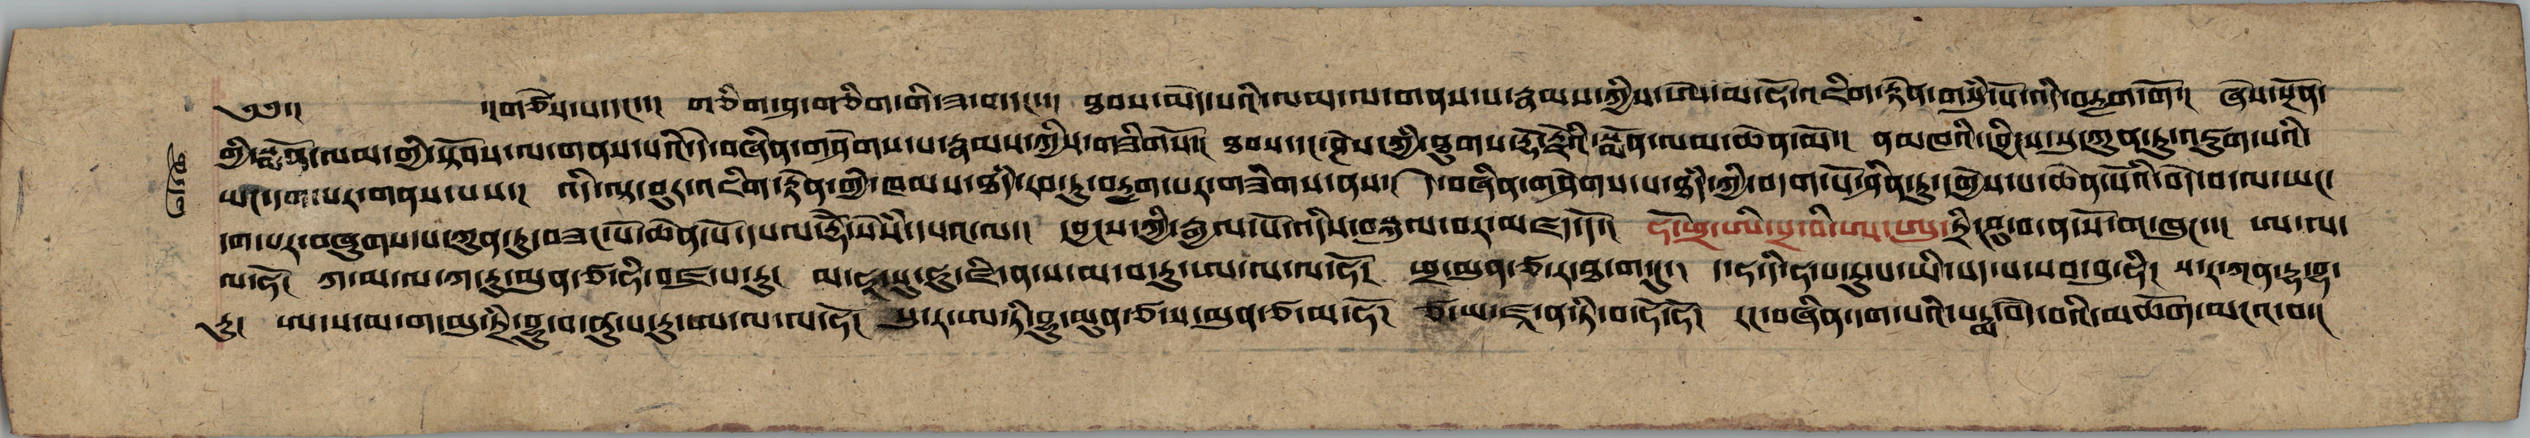༄༅་། ་།གཙེས་པ་དང་་། གཅིག་ཤ་གཅིག་གི་ཟ་བ་དང་་། ཐབས་མེད་པའི་ལམ་ལ་གནས་པ་རྣམས་ཀྱིས་ཨེ་མ་ཧོ་འཇིག་རྟེན་གསུཾ་པོ་འདི་བརླག་གོ་། ཞེས་སྔོན་
གྱི་སྨོན་ལམ་གྱི་སྟོབས་ལ་གནས་པའི་དེ་བཞིན་གཤེགས་པ་རྣམས་ཀྱིས་གཟིགསོ་། ཐབས་དང་ཤེས་ཀྱི་ཐུགས་རྡོ་རྗེའི་སྨོན་ལམ་ཆེན་མོ་། ནམཁའི་དབྱིངས་སུ་ཀུན་ཏུ་འཇུག་པའི་
ཡང་དག་པར་གནས་པས་། འདི་ལྟ་བུར་འཇིག་རྟེན་གྱི་ཁམས་ཐཾད་རབ་ཏུ་བརླག་པར་གཟིགས་ནས་། དེ་བཞིན་གཤེགས་པ་ཐཾད་ཀྱི་བདག་པོ་ཤིན་ཏུ་དགྱེས་པ་ཆེན་པོའི་བདེ་བ་ལ་ཡང་
དག་པར་བཞུགས་པ་ཀུན་ཏུ་བཟང་པོ་ཆེན་པོ་དཔལ་རྡོེ་སེཾས་དཔའ་ལ་། དབྱིངས་ཀྱི་རྒྱལ་པོ་འདིས་བསྐུལ་བར་མཛད་དོ་། ཧོ་ཕྲ་ཨི་པྲ་བི་ཨ་ཨུ་ཏྲི་ཤུ་བ་ན་སོ་ག་ཁུང་་། ཨ་ལ་
ལ་ཧོ། ཀ་མ་ལ་ཀ་རུ་མུན་ཙ་ཧི་བཛྲ་པ་རུ། མ་ཧཱ་སུ་ཧུ་ཛི་ན་ས་མ་པ་རུ་ཨ་ལ་ལ་ཧོ། ཕྲ་མུན་ཙ་ར་ཐ་ག་དུ་། ད་ཧ་དི་ཧ་ས་རུ་པ་ཡི་སད་པ་སབ་བུ་ཧི། ས་ར་ཀན་དྷ་བྷ་
ཏུ། ཨ་ས་མ་ག་མུ་ཏྲི་བྷུ་བ་ནུ་ས་རུ་ཨ་ལ་ལ་ཧོ། སུ་ར་ཨ་ཏི་བྷུ་མུན་ཙ་ས་མུན་ཙ་མ་ཧོ། ཙ་ཡ་ཛཱ་ན་ཏི་བ་ཧེ་ཧོ། རང་བཞིན་དག་པའི་པདྨ་བདེ་བའི་མཆོག་མངའ་བ་།